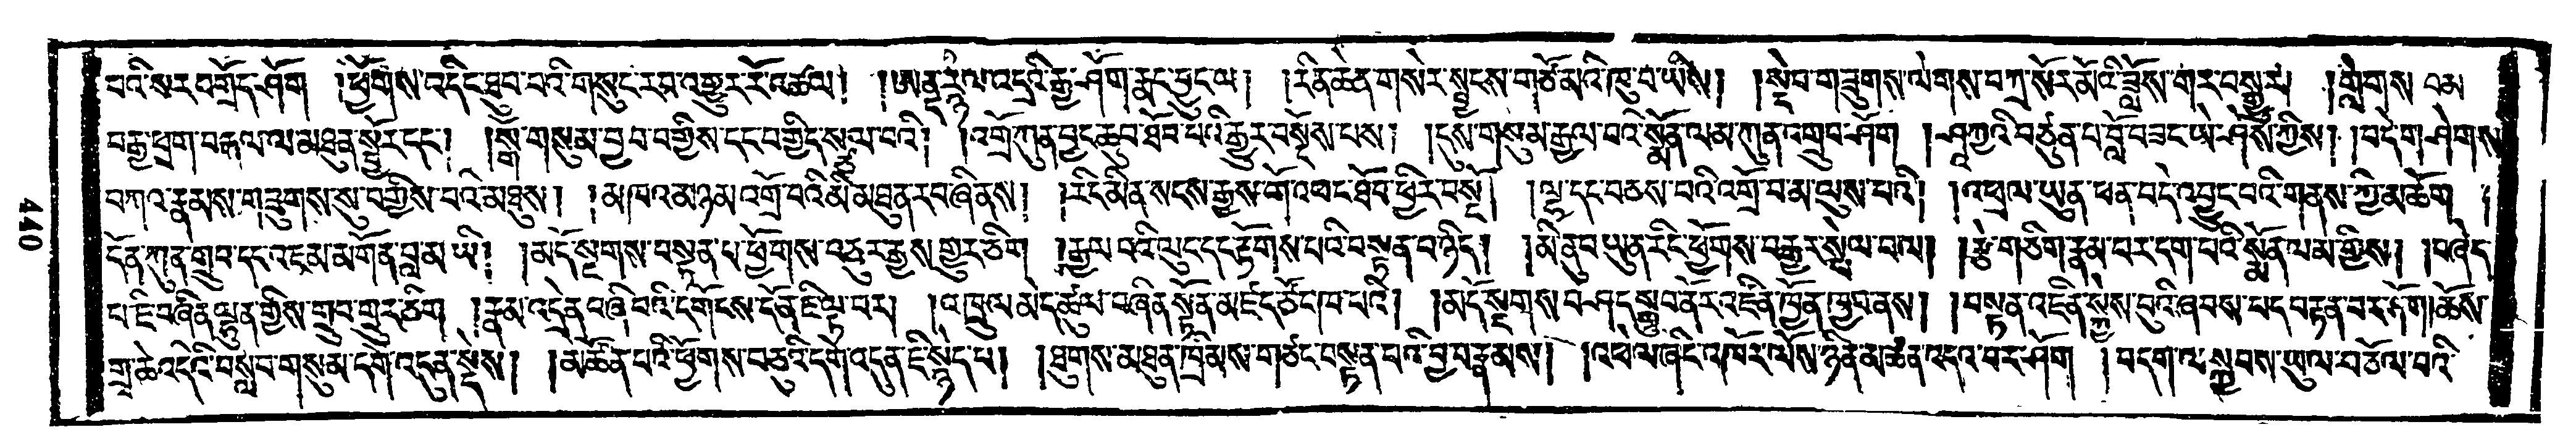བའི་སར་བགྲོད་ཤོག །ཕྱོགས་འདིང་ཐུབ་བའི་གསུང་རབ་འགྱུར་རོ་འཚལ། །ཨནྡ་རྙིལ་འདྲའི་རྒྱ་ཤོག་རྨང་བྱུང་ལ། །རིན་ཆེན་གསེར་སྦྱངས་གཙོ་མའི་ཁུ་བ་ཡིས། །སྡེབ་གཟུགས་ལེགས་བཀྲ་སོར་མོའི་ཟློས་གར་བསྒྱུར། །གླེགས་བམ་
བརྒྱ་ཕྲག་བརྒལ་ལ་མཐུན་སྦྱོར་དང་། །སྒོ་གསུམ་བྱ་བ་བགྱིས་དང་བགྱིད་སྩལ་བའི། །འགྲོ་ཀུན་བྱང་ཆུབ་ཐོབ་པའི་རྒྱུར་བསྔོས་པས། །དུས་གསུམ་རྒྱལ་བའི་སྨོན་ལམ་ཀུན་འགྲུབ་ཤོག །ཤཱཀྱའི་བཙུན་པ་བློ་བཟང་ཡེ་ཤེས་ཀྱིས། །བདེ་གཤེགས་
བཀའ་རྣམས་གཟུགས་སུ་བགྱིས་པའི་མཐུས། །མཁའ་མཉམ་འགྲོ་བའི་མི་མཐུན་རབ་ཞི་ནས། །རིང་མིན་སངས་རྒྱས་གོ་འཕང་ཐོབ་ཕྱིར་བསྔོ། །ལྷ་དང་བཅས་པའི་འགྲོ་བ་མ་ལུས་པའི། །འཕྲལ་ཡུན་ཕན་བདེ་འབྱུང་བའི་གནས་ཀྱི་མཆོག །
དོན་ཀུན་གྲུབ་དང་འཇམ་མགོན་བླ་མ་ཡི། །མདོ་སྔགས་བསྟན་པ་ཕྱོགས་བཅུར་རྒྱས་གྱུར་ཅིག །རྒྱལ་བའི་ལུང་དང་རྟོགས་པའི་བསྟན་བ་ཉིད། །མི་ནུབ་ཡུན་རིང་ཕྱོགས་བརྒྱར་སྤེལ་བ་ལ། །རྩེ་གཅིག་རྣམ་པར་དག་པའི་སྨོན་ལམ་གྱིས། །བཞེད་
པ་ཇི་བཞིན་ལྷུན་གྱིས་གྲུབ་གྲུར་ཅིག །རྣམ་འདྲེན་བཞི་བའི་དགོངས་དོན་ཇི་ལྟ་བར། །འཁྲུལ་མེད་ཚུལ་བཞིན་སྟོན་མཛད་ཙོང་ཁ་པའི། །མདོ་སྔགས་བཤད་སྒྲུབ་ནོར་འཛིན་ཁྱོན་ཁྱབ་ནས། །བསྟན་འཛིན་སྐྱེས་བུའི་ཞབས་པད་བརྟན་བར་ཤོག །ཆོས་
གྲྭ་ཆེ་འདིའི་བསླབ་གསུམ་དགེ་འདུན་སྡེས། །མཚོན་པའི་ཕྱོགས་བཅུའི་དགེ་འདུན་ཇི་སྙེད་པ། །ཐུགས་མཐུན་ཁྲིམས་གཙང་བསྟན་པའི་བྱ་བ་རྣམས། །འཕེལ་ཞིང་འཁོར་ལོས་ཉིན་མཚན་འདའ་བར་ཤོག །བདག་ལ་སྐྱབས་ཡུལ་བཅོལ་བའི་